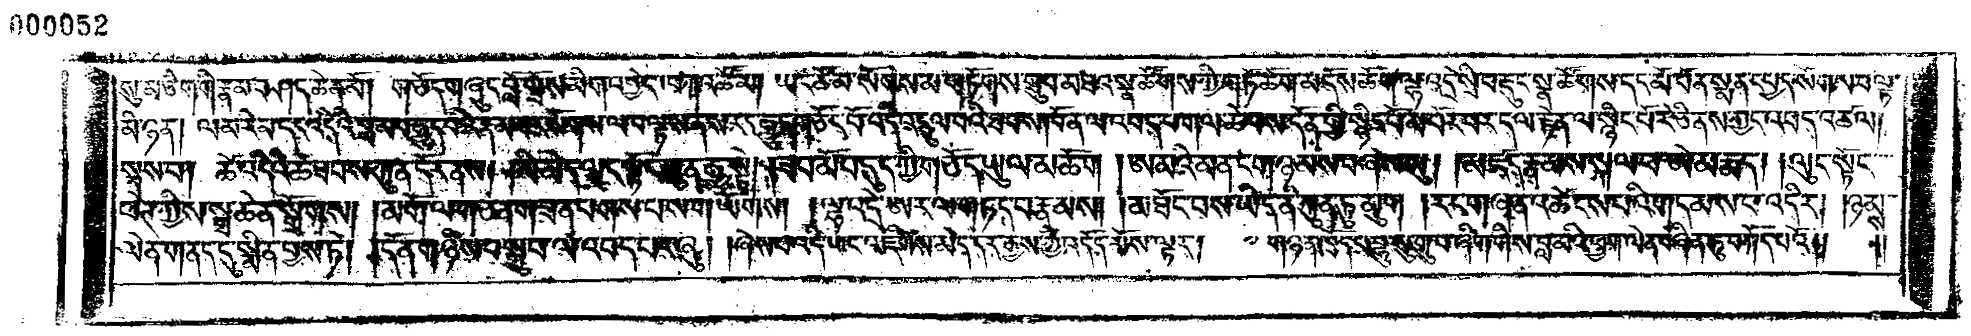སུ་མ་ཅིག་གི་རྣམ་བཤད་ཆེན་མོ། གཅོད་གཞུང་བློ་གྲོས་མིག་འབྱེད། བཀའ་ཚོམ། ཡང་ཚོམ་སོགས་མ་གཏོགས་གྲུབ་མཐའ་སྣ་ཚོགས་ཀྱི་གཏོ་ཆོག་མདོས་ཆོག་ལྷ་འདྲེ་སྲི་བརྡུང་སྣ་ཚོགས་དང་མོ་བོན་སྨན་དཔྱད་སོགས་བལྟ་
མི་ཉན། ལམ་རིམ་དང་འདིའི་བླ་མ་བརྒྱུད་པའི་རྣམ་ཐར་སོགས་ལ་བལྟས་ནས་རང་རྒྱུད་གཅོང་པོ་འདི་འདུལ་བའི་ཐབས་ཁོ་ན་ལ་འབད་པ་གལ་ཆེ་བས་དོན་གྱི་སྙིང་པོ་མ་བོར་བར་དལ་རྟེན་ལ་སྙིང་པོ་རེ་ཅི་ནས་ཀྱང་འབད་འཚལ།
སྨྲས་པ། ཚེ་འདིའི་ཚེ་ཐབས་ཀུན་དོར་ནས། །མི་མེད་ལུང་སྟོང་ཀུན་རྒྱུ་སྟེ། །ཟབ་མོ་བདུད་ཀྱི་གཅོད་ཡུལ་མཆོག །ཨ་མའི་མན་ངག་ཉམས་བཞེས་སུ། །མཛད་རྣམས་སྐལ་བ་ཨེ་མ་རྨད། །ལུང་སྟོང་
ཕེཊ་ཀྱིས་སྒྲ་ཆེན་སྒྲོགས། །མགོ་ལ་གཅན་གཟན་པགས་པས་གཡོགས། །ལྷ་འདྲེ་ཨར་ལ་གཏད་པ་རྣམས། །མཐོང་བས་ཡིད་ནི་ཀུན་ཏུ་མུག །རང་གཞན་འཚོངས་པའི་གདམས་པ་འདིར། །ཉམས་
ལེན་གནད་དུ་སྨིན་བྱས་ཏེ། །དོན་གཉིས་བསྒྲུབ་ལ་འབད་པར་ཞུ། །ཞེས་པ་འདི་ཡང་འཇིགས་མེད་དར་རྒྱས་ཀྱི་འདོད་མོས་ལྟར། ༧་གཉན་ཁྲོད་པ་བྷུ་སུ་གུ་བ་ཞིག་གིས་བླ་མའི་ཕྱག་ལེན་བཞིན་ཏུ་བཀོད་པའོ།། །།